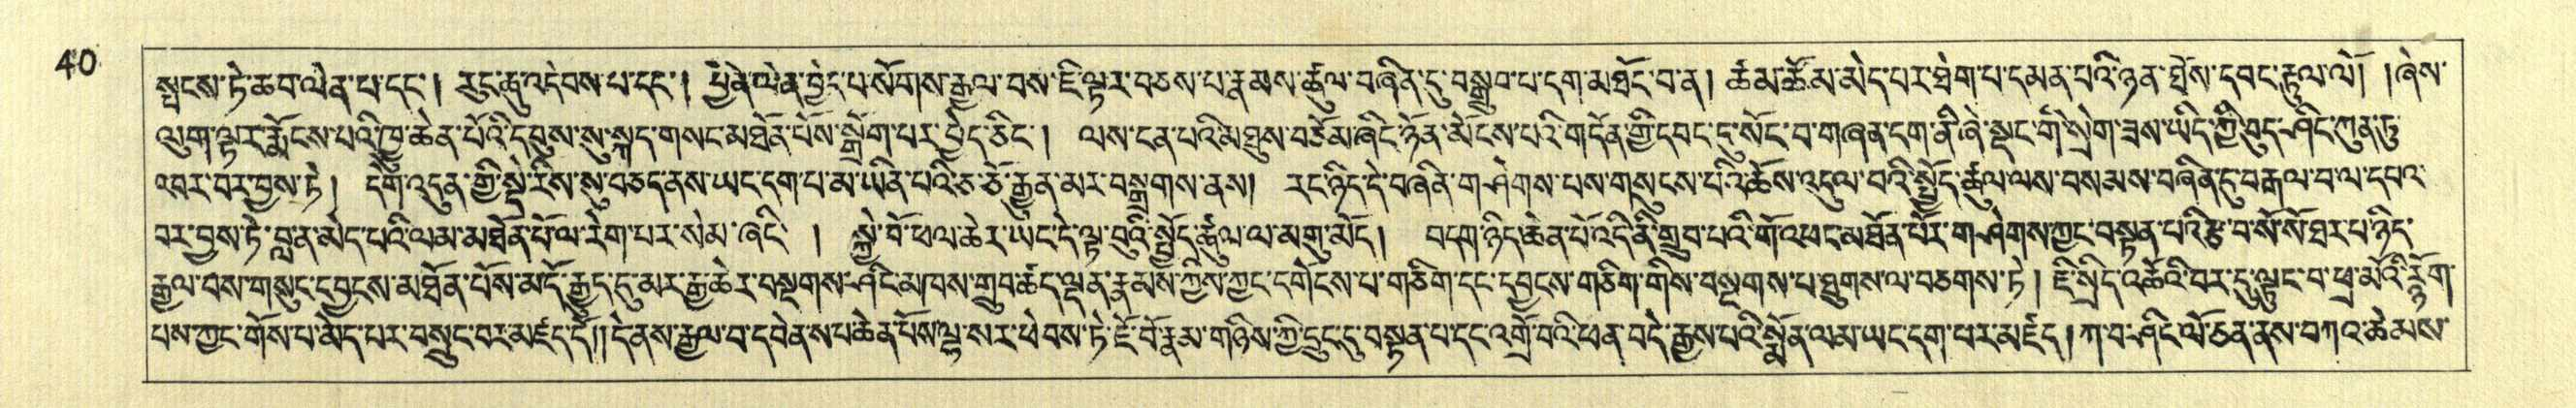སྤངས་ཏེ་ཆབ་ལེན་པ་དང་། རུང་ཆུ་འདེབས་པ་དང་། བྱིན་ལེན་བྱེད་པ་སོགས་རྒྱལ་བས་ཇི་ལྟར་བཅས་པ་རྣམས་ཚུལ་བཞིན་དུ་བསྒྲུབ་པ་དག་མཐོང་བ་ན། ཚམ་ཚོམ་མེད་པར་ཐེག་པ་དམན་པའི་ཉན་ཐོས་དབང་རྟུལ་ལོ། །ཞེས་
ལུག་ལྟར་རྨོངས་པའི་ཁྱུ་ཆེན་པོའི་དབུས་སུ་སྐད་གསང་མཐོན་པོས་སྒྲོག་པར་བྱེད་ཅིང་། ལས་ངན་པའི་མཐུས་བཅོམ་ཞིང་ཉོན་མོངས་པའི་གདོན་གྱི་དབང་དུ་སོང་བ་གཞན་ངག་ནི་ཞེ་སྡང་གི་སྲེག་ཟས་ཡིད་ཀྱི་བུད་ཤིང་ཀུན་ཏུ་
འབར་བར་བྱས་ཏེ། དགེ་འདུན་གྱི་སྡེ་རིས་སུ་བཅད་ནས་ཡང་དག་པ་མ་ཡིན་པའི་ཅ་ཅོ་རྒྱུན་མར་བསྒྲགས་ནས། རང་ཉིད་དེ་བཞིན་གཤེགས་པས་གསུངས་པའི་ཆོས་འདུལ་བའི་སྤྱོད་ཚུལ་ལས་བསམས་བཞིན་དུ་བརྒལ་བ་ལ་དཔའ་
བར་བྱས་ཏེ་བླ་ན་མེད་པའི་ལམ་མཐོན་པོ་ལ་རེག་པར་སེམ་ཞིང་། སྐྱེ་བོ་ཕལ་ཆེར་ཡང་དེ་ལྟ་བུའི་སྤྱོད་ཚུལ་ལ་མགུ་མོད། བདག་ཉིད་ཆེན་པོ་འདི་ནི་གྲུབ་པའི་གོ་འཕང་མཐོན་པོར་གཤེགས་ཀྱང་བསྟན་པའི་རྩ་བ་སོ་སོ་ཐར་པ་ཉིད་
རྒྱལ་བས་གསུང་དབྱངས་མཐོན་པོས་མདོ་རྒྱུད་དུ་མར་རྒྱ་ཆེར་བསྔགས་ཤིང་མཁས་གྲུབ་ཚད་ལྡན་རྣམས་ཀྱིས་ཀྱང་དགོངས་པ་གཅིག་དང་དབྱངས་གཅིག་གིས་བསྔགས་པ་ཐུགས་ལ་བཅགས་ཏེ། ཇི་སྲིད་འཆོའི་བར་དུ་ལྟུང་བ་ཕྲ་མོའི་རྙོག་
པས་ཀྱང་གོས་པ་མེད་པར་བསྲུང་བར་མཛད་དོ། །དེ་ནས་རྒྱལ་བ་དབེན་ས་པ་ཆེན་པོས་ལྷ་སར་ཕེབས་ཏེ་ཇོ་བོ་རྣམ་གཉིས་ཀྱི་དྲུང་དུ་བསྟན་པ་དང་འགྲོ་བའི་ཕན་བདེ་རྒྱས་པའི་སྨོན་ལམ་ཡང་དག་པར་མཛད། ཀ་བ་ཤིང་ལོ་ཅན་ནས་བཀའ་ཆེམས་